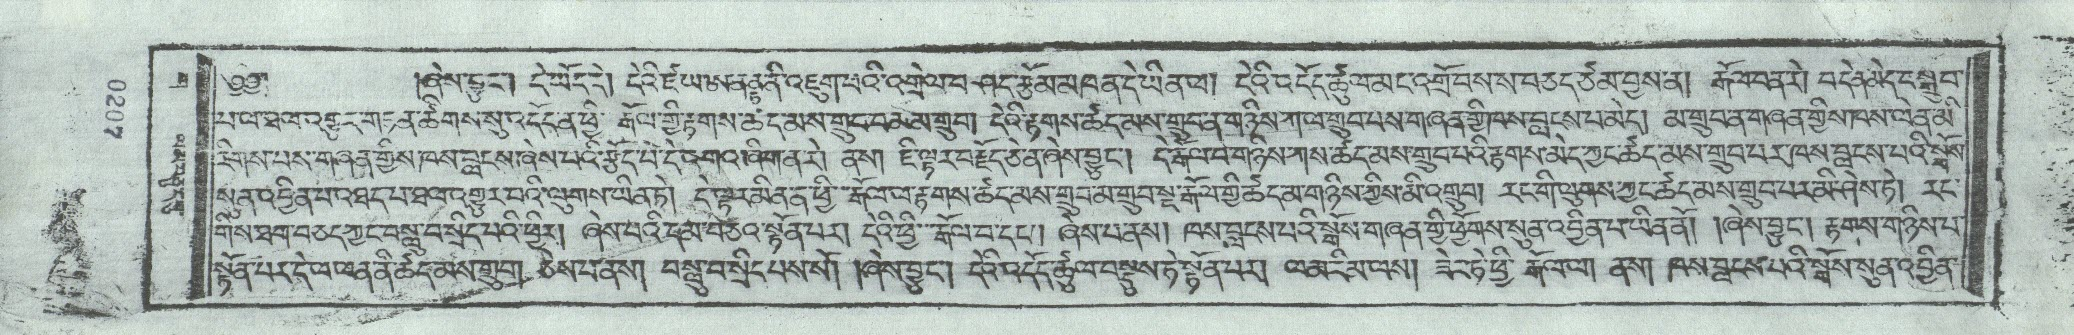༄༅། །ཞེས་བྱུང་། དེ་ཡོད་དེ། དེའི་ཛ་ཡ་ཨ་ནནྟ་ནི་འཇུག་པའི་འགྲེལ་བཤད་རྩོམ་མཁན་དེ་ཡིན་ལ། དེའི་འདོད་ཚུལ་མང་འགྲོ་བས་ས་བཅད་ཙམ་བྱས་ན། རྒོལ་བ་ན་རེ། བདེན་མེད་བསྒྲུབ་
པ་ལ་ཐལ་འགྱུར་གཏན་ཚིགས་སུ་འདོད་ན་ཕྱི་རྒོལ་གྱི་རྟགས་ཚད་མས་གྲུབ་བམ་མ་གྲུབ། དེའི་རྟགས་ཚད་མས་གྲུབ་ན་གཉིས་ཀ་ལ་གྲུབ་པས་གཞན་གྱི་ཁས་བླངས་པ་མེད། མ་གྲུབ་ན་གཞན་གྱིས་ཁས་ལེན་མི་
རིགས་པས་གཞན་གྱིས་ཁས་བླངས་ཞེས་པའི་རྩོད་པ་དེ་འགའ་ཞིག་ན་རེ། ནས། ཇི་ལྟར་བརྗོད་ཅེ་ན་ཞེས་བྱུང་། དེ་རྒོལ་བ་གཉིས་ཀས་ཚད་མས་གྲུབ་པའི་རྟགས་མེད་ཀྱང་ཚད་མས་གྲུབ་པར་ཁས་བླངས་པའི་སྒོས་
སུན་འབྱིན་པ་འཐད་པ་ཐལ་འགྱུར་བའི་ལུགས་ཡིན་ཏེ། དེ་ལྟར་མིན་ན་ཕྱི་རྒོལ་ལ་རྟགས་ཚད་མས་གྲུབ་མ་གྲུབ་སྔ་རྒོལ་གྱི་ཚད་མ་གཉིས་ཀྱིས་མི་འགྲུབ། རང་གི་ལུགས་ཀྱང་ཚད་མས་གྲུབ་པར་མི་ཤེས་ཏེ། རང་
གིས་ཐག་བཅད་ཀྱང་བསླུ་བ་སྲིད་པའི་ཕྱིར། ཞེས་པའི་དམ་བཅའ་སྟོན་པར། དེའི་ཕྱི་རྒོལ་བ་དང་། ཞེས་པ་ནས། ཁས་བླངས་པའི་སྒོས་གཞན་གྱི་ཕྱོགས་སུན་འབྱིན་པ་ཡིན་ནོ། །ཞེས་བྱུང་། རྟགས་གཉིས་པ་
སྟོན་པར་དེ་ལ་ལན་ནི་ཚད་མས་གྲུབ། ཅེས་པ་ནས། བསླུ་བ་སྲིད་པས་སོ། །ཞེས་བྱུང་། དེའི་འདོད་ཚུལ་བསྡུས་ཏེ་སྟོན་པར། ལམ་རིམ་ལས། ཟེར་ཏེ་ཕྱི་རྒོལ་ལ། ནས། ཁས་བླངས་པའི་སྒོས་སུན་འབྱིན་